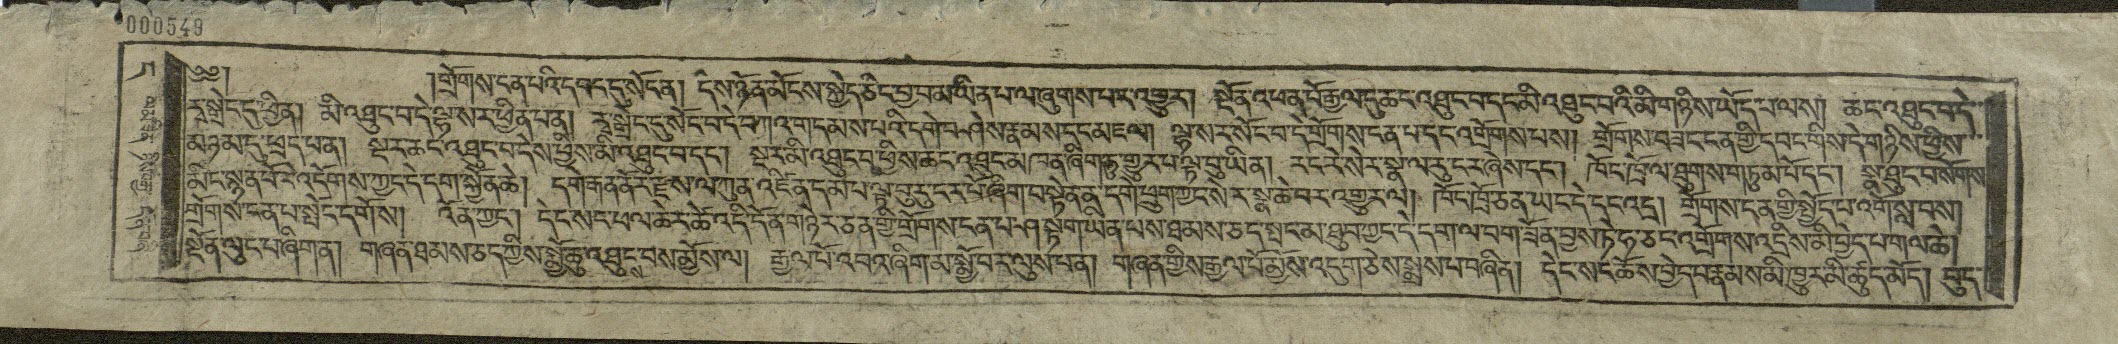༄༅། །གྲོགས་ངན་པའི་དབང་དུ་སོང་ན། དེས་ཉོན་མོངས་སྐྱེད་ཅིང་བྱ་བ་མ་ཡིན་པ་ལ་ཞུགས་པར་འགྱུར། སྔོན་འཕན་པོ་རྒྱལ་དུ་ཆང་འཐུང་བ་དང་མི་འཐུང་བའི་མི་གཉིས་ཡོད་པ་ལས། ཆང་འཐུང་བ་དེ་
རྭ་སྒྲེང་དུ་ཕྱིན། མི་འཐུང་བ་དེ་ལྷ་སར་ཕྱིན་པ་ན། རྭ་སྒྲེང་དུ་སོང་བ་དེ་བཀའ་གདམས་པའི་དགེ་བཤེས་རྣམས་དང་མཇལ། ལྷ་སར་སོང་བ་དེ་གྲོགས་ངན་པ་དང་འགྲོགས་པས། གྲོགས་བཟང་ངན་གྱི་དབང་གིས་དེ་གཉིས་ཕྱིས་
མཉམ་དུ་ཕྲད་པ་ན། སྔར་ཆང་འཐུང་བ་དེས་ཕྱིས་མི་འཐུང་བ་དང་། སྔར་མི་འཐུང་བ་ཕྱིས་ཆང་འཐུང་མཁན་ཞིག་ཏུ་གྱུར་པ་ལྟ་བུ་ཡིན། རང་རེ་སེར་སྣ་ལ་རུ་ངར་ཞེས་དང་། ཁོང་ཁྲོ་ལ་ཐུགས་གཏུམ་པོ་དང་། སྣ་ཐུང་བ་སོགས་
མིང་སྙན་པོ་རེ་འདོགས་ཀྱང་དེ་དག་སྐྱོན་ཆེ། དགེ་རྒན་ནོར་རྫས་ལ་ཀུན་འཛིན་དམ་པ་ལྟ་བུ་རུ་ངར་པོ་ཞིག་བསྟེན་ན་དགེ་ཕྲུག་ཀྱང་སེར་སྣ་ཆེ་བར་འགྱུར་ལ། ཁོང་ཁྲོ་ཅན་ཡང་དེ་དང་འདྲ། གྲོགས་ངན་གྱི་སྤྱོད་པ་འགོ་སླ་བས།
གྲོགས་ངན་པ་སྤོང་དགོས། འོན་ཀྱང་། དེང་སང་ཕལ་ཆེར་ཚེ་འདི་དོན་གཉེར་ཅན་གྱི་གྲོགས་ངན་པ་ཤ་སྟག་ཡིན་པས་ཐམས་ཅད་སྤང་མ་ཐུབ་ཀྱང་དེ་དག་ལ་བག་ཟོན་བྱས་ཏེ་ཧ་ཅང་འགྲོགས་འདྲིས་མི་བྱེད་པ་གལ་ཆེ།
སྔོན་ལུང་པ་ཞིག་ན། གཞན་ཐམས་ཅད་ཀྱིས་སྨྱོ་ཆུ་འཐུངས་བས་མྱོས་ལ། རྒྱལ་པོ་འབའ་ཞིག་མ་སྨྱོ་བར་ལུས་པ་ན། གཞན་གྱིས་རྒྱལ་པོ་མྱོས་འདུག་ཅེས་སྨྲས་པ་བཞིན། དེང་སང་ཆོས་བྱེད་པ་རྣམས་མི་ཁྱུར་མི་ཚུད་མོད། བུད་